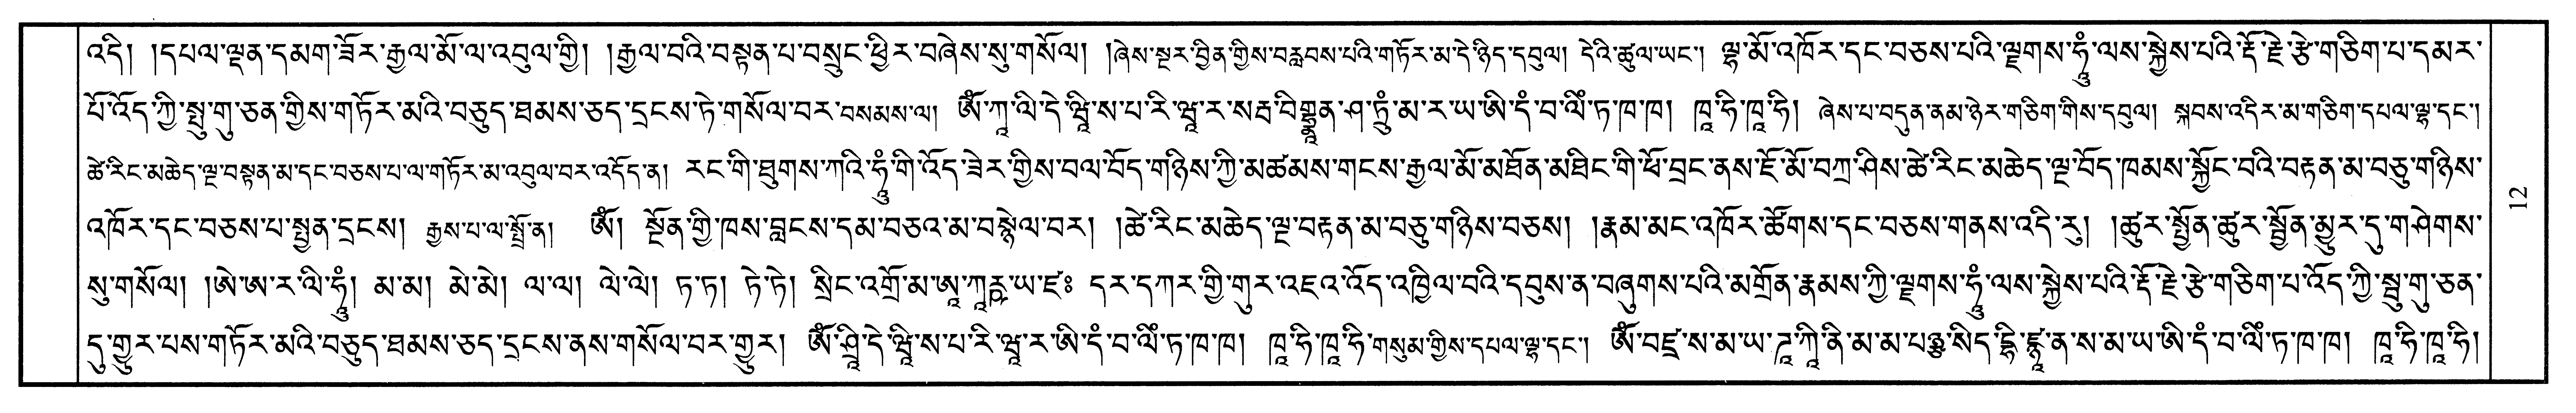འདི། །དཔལ་ལྡན་དམག་ཟོར་རྒྱལ་མོ་ལ་འབུལ་གྱི། །རྒྱལ་བའི་བསྟན་པ་བསྲུང་ཕྱིར་བཞེས་སུ་གསོལ། །ཞེས་སྔར་བྱིན་གྱིས་བརླབས་པའི་གཏོར་མ་དེ་ཉིད་དབུལ། དེའི་ཚུལ་ཡང་། ལྷ་མོ་འཁོར་དང་བཅས་པའི་ལྗགས་ཧཱུཾ་ལས་སྐྱེས་པའི་རྡོ་རྗེ་རྩེ་གཅིག་པ་དམར་
པོ་འོད་ཀྱི་སྤུ་གུ་ཅན་གྱིས་གཏོར་མའི་བཅུད་ཐམས་ཅད་དྲངས་ཏེ་གསོལ་བར་བསམས་ལ། ཨོཾ་ཀཱ་ལི་དེ་ཝཱི་ས་པ་རི་ཝཱ་ར་སརྦ་བིགྷྣཱན་ཤ་ཏྲུཾ་མ་ར་ཡ་ཨི་དཾ་བ་ལིཾ་ཁ་ཁ། ཁཱ་ཧི་ཁཱ་ཧི། ཞེས་པ་བདུན་ནམ་ཉེར་གཅིག་གིས་དབུལ། སྐབས་འདིར་མ་གཅིག་དཔལ་ལྷ་དང་།
ཚེ་རིང་མཆེད་ལྔ་བསྟན་མ་དང་བཅས་པ་ལ་གཏོར་མ་འབུལ་བར་འདོད་ན། རང་གི་ཐུགས་ཀའི་ཧཱུཾ་གི་འོད་ཟེར་གྱིས་བལ་བོད་གཉིས་ཀྱི་མཚམས་གངས་རྒྱལ་མོ་མཐོན་མཐིང་གི་ཕོ་བྲང་ནས་ཇོ་མོ་བཀྲ་ཤིས་ཚེ་རིང་མཆེད་ལྔ་བོད་ཁམས་སྐྱོང་བའི་བརྟན་མ་བཅུ་གཉིས་
འཁོར་དང་བཅས་པ་སྤྱན་དྲངས། རྒྱས་པ་ལ་སྤྲོ་ན། ཨོཾ། སྔོན་གྱི་ཁས་བླངས་དམ་བཅའ་མ་བསྙེལ་བར། །ཚེ་རིང་མཆེད་ལྔ་བརྟན་མ་བཅུ་གཉིས་བཅས། །རྣམ་མང་འཁོར་ཚོགས་དང་བཅས་གནས་འདི་རུ། །ཚུར་སྤྱོན་ཚུར་སྦྱོན་མྱུར་དུ་གཤེགས་
སུ་གསོལ། །ཨེ་ཨ་ར་ལི་ཧཱུཾ། མ་མ། མེ་མེ། ལ་ལ། ལེ་ལེ། ཏ་ཏ། ཏེ་ཏེ། སྲིང་འགྲོ་མ་ཨཱ་ཀཱརྵ་ཡ་ཛཿ དར་དཀར་གྱི་གུར་འཇའ་འོད་འཁྱིལ་བའི་དབུས་ན་བཞུགས་པའི་མགྲོན་རྣམས་ཀྱི་ལྗགས་ཧཱུཾ་ལས་སྐྱེས་པའི་རྡོ་རྗེ་རྩེ་གཅིག་པ་འོད་ཀྱི་སྦུ་གུ་ཅན་
དུ་གྱུར་པས་གཏོར་མའི་བཅུད་ཐམས་ཅད་དྲངས་ནས་གསོལ་བར་གྱུར། ཨོཾ་ཤྲཱི་དེ་ཝཱི་ས་པ་རི་ཝཱ་ར་ཨི་དཾ་བ་ལིཾ་ཏ་ཁ་ཁ། ཁཱ་ཧི་ཁཱ་ཧི་གསུམ་གྱིས་དཔལ་ལྷ་དང་། ཨོཾ་བཛྲ་ས་མ་ཡ་ཌཱ་ཀཱི་ནི་མ་མ་པཉྩ་སིད་དྷི་ཛྙཱ་ན་ས་མ་ཡ་ཨི་དཾ་བ་ལིཾ་ཏ་ཁ་ཁ། ཁཱ་ཧི་ཁཱ་ཧི།